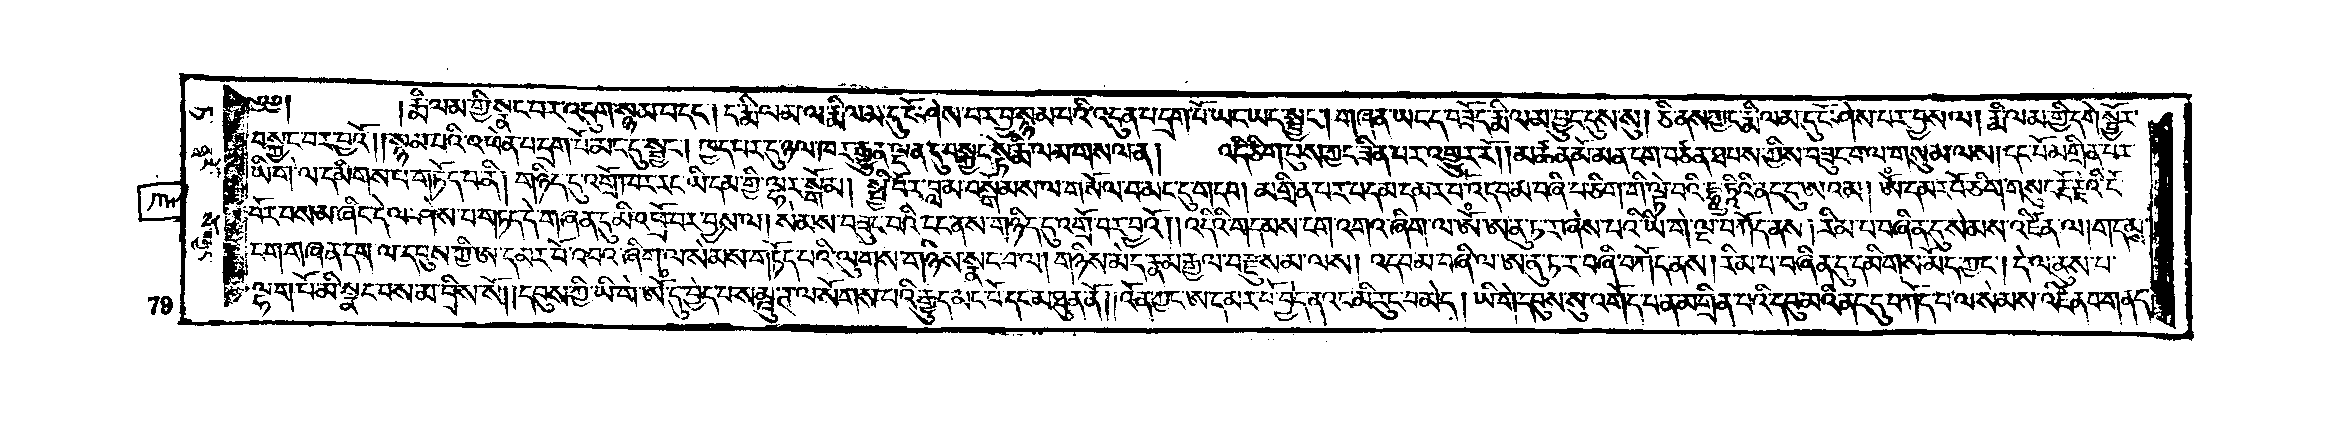༄༅། །རྨི་ལམ་གྱི་སྣང་བར་འདུག་སྙམ་པ་དང་། ད་རྨི་ལམ་ལ་རྨི་ལམ་དུ་ངོ་ཤེས་པར་བྱ་སྙམ་པའི་འདུན་པ་དྲག་པོ་ཡང་ཡང་སྦྱང་། གཞན་ཡང་ད་བཟོད་རྨི་ལམ་བྱུང་དུས་སུ། ཅི་ནས་ཀྱང་རྨི་ལམ་དུ་ངོ་ཤེས་པར་བྱས་ལ། རྨི་ལམ་གྱི་དགེ་སྦྱོར་
བསྐྱང་བར་བྱའོ། །སྙམ་པའི་འཕེན་པ་དྲག་པོ་མང་དུ་སྦྱང་། ཁྱད་པར་དུ་ཉལ་ཁར་རྒྱུན་ལྡན་དུ་བསྐྱང་སྟེ་རྨི་ལམ་གསལ་ན། འདི་ཅིག་པུས་ཀྱང་ཟིན་པར་འགྱུར་རོ། །མཚན་མོ་མན་ངག་བཙན་ཐབས་ཀྱིས་བཟུང་བ་ལ་གསུམ་ལས། དང་པོ་མགྲིན་པར་
ཡི་གེ་ལ་དམིགས་པ་གཏོད་པ་ནི། གཉིད་དུ་འགྲོ་ཁར་རང་ཡི་དམ་གྱི་ལྷར་སྒོམ། སྤྱི་བོར་བླ་མ་བསྒོམས་ལ་གསོལ་བ་མང་དུ་གདབ། མགྲིན་པར་པད་མ་དམར་པོ་འདབ་མ་བཞི་པ་ཅིག་གི་ལྟེ་བའི་དྷཱུ་ཏཱིའི་ནང་དུ་ཨ་འམ། ཨོཾ་དམར་པོ་ཅིག་གསུང་རྡོ་རྗེའི་ངོ།
བོར་བསམ་ཞིང་དེ་ལ་ཤེས་པ་གཏད་དེ་གཞན་དུ་མི་འཕྲོ་བར་བྱས་ལ། སེམས་བཟུང་བའི་ངང་ནས་གཉིད་དུ་འགྲོ་བར་བྱའོ། །འདིའི་གདམས་ངག་འགའ་ཞིག་ལ་ཨོཾ་ཨ་ནུ་ཏ་ར་ཞེས་པའི་ཡི་གེ་ལྔ་བཀོད་ནས། རིམ་པ་བཞིན་དུ་སེམས་འཛིན་ལ། གདམས་
ངག་གཞན་དག་ལ་དབུས་ཀྱི་ཨ་དམར་པོ་འབའ་ཞིག་ལ་སེམས་གཏོད་པའི་ལུགས་གཉིས་སྣང་བ་ལ། གཉིས་མེད་རྣམ་རྒྱལ་བརྫུས་མ་ལས། འདབ་མ་བཞི་ལ་ཨ་ནུ་ཏ་ར་བཞི་བཀོད་ནས། རིམ་པ་བཞིན་དུ་དམིགས་མོད་ཀྱང་། དེ་ལ་ནུས་པ་
ལྷག་པོ་མི་སྣང་བས་མ་བྲིས་སོ། །དབུས་ཀྱི་ཡི་གེ་ཨོཾ་དུ་བྱེད་པ་སམྦུ་ཊ་ལ་སོགས་པའི་རྒྱུད་མང་པོ་དང་མཐུན་ནོ། །འོན་ཀྱང་ཨ་དམར་པོ་བྱེད་ནའང་མི་རུང་བ་མེད། ཡི་གེ་དབུས་སུ་འགོད་པ་ན་མགྲིན་པའི་དབུ་མའི་ནང་དུ་བཀོད་པ་ལ་སེམས་འཛིན་པ་གནད་